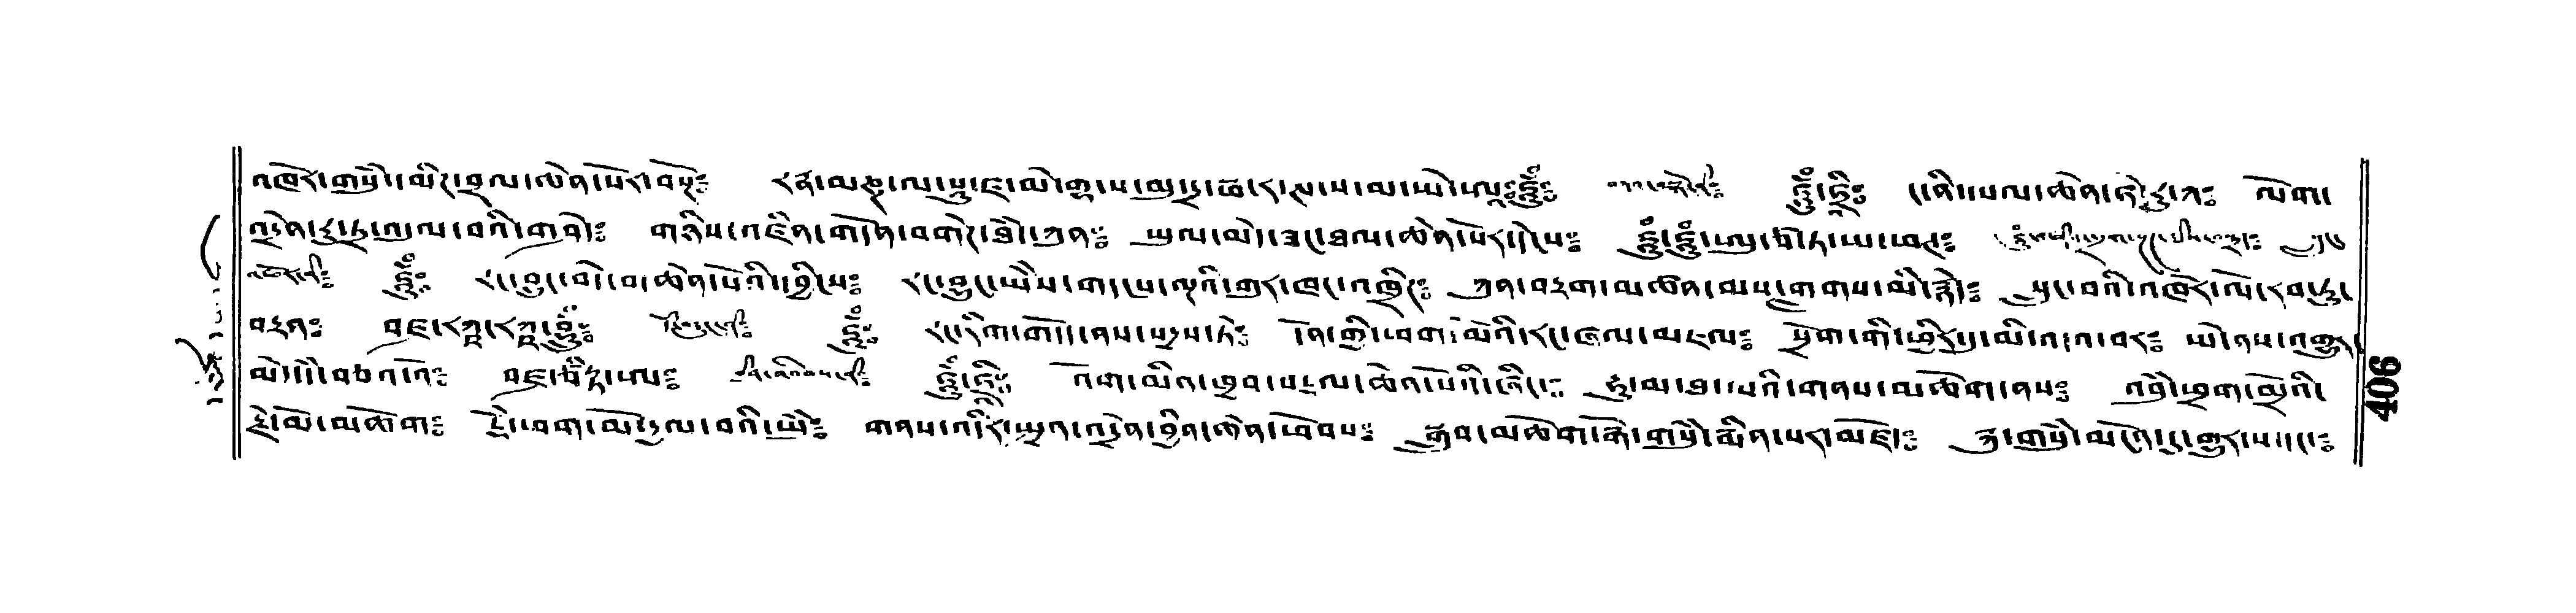འཁོར་གསུམ་དམིགས་བྲལ་ཆེན་པོར་བསྔོ༔ རཏྣ་མཎྜ་ལ་པཱུ་ཛ་མེ་གྷ་ས་མུ་དྲ་སྥ་ར་ཎ་ས་མ་ཡེ་ཨཱཿཧཱུྃ༔ བཀའ་བསྒོ་ནི༔ ཧཱུྃ་ཧྲཱིཿ ང་ནི་དཔལ་ཆེན་ཧེ་རུ་ཀ༔ ལོག་
འདྲེན་རུ་ཏྲ་འདུལ་བའི་གཤེད༔ གཉིས་འཛིན་གདོན་བགེགས་ཐམས་ཅད་ཀུན༔ ཡུལ་མེད་ཟང་ཐལ་ཆེན་པོར་དེངས༔ ཧཱུྃ་ཧྃའུ་ཨུ་ཙ་ཏ་ཡ་ཕཊ༔ ཧྃའུ་བཞི་དང་དྲག་སྔགས་ཀྱིས་བསྐྲད༔ སྲུང་
འཁོར་ནི༔ ཧཱུྃ༔ རང་བྱུང་བདེ་བ་ཆེན་པོའི་དབྱིངས༔ ཡེ་ཤེས་གདངས་ལྔའི་གུར་ཁང་འཁྲིགས༔ ཀུན་བརྟགས་མཚན་མས་གླགས་མི་རྙེད༔ སྲུང་བའི་འཁོར་ལོ་རབ་ཏུ་
བརྟན༔བཛྲ་རཀྵ་རཀྵ་བྷྲཱུྃ༔ དམ་བཟུང་ནི༔ ཧཱུྃ༔ རང་རིག་གདོད་ནས་སངས་རྒྱས་ཏེ༔ དོན་གྱི་ཕག་མོའི་རང་ཞལ་མཇལ༔ སྲོག་གི་ཕྱིར་དུ་མི་འདའ་བར༔ ཡེ་ནས་འགྱུར་
མེད་དམ་བཅའ་འོ༔ བཛྲ་ཙིཏྟ་ཨ༔ བྱིན་འབེབས་ནི༔ ཧཱུྃ་ཧྲཱིཿ འོག་མིན་ཁྱབ་བརྡལ་ཆེན་པོའི་ཞིང༔ དྷུ་མ་ཐ་ལའི་གནས་མཆོག་ནས༔ འབུམ་ཕྲག་མཁའ་འགྲོའི་
རྗེ་མོ་མཆོག༔ རྡོ་རྗེ་ཕག་མོ་རྒྱལ་བའི་ཡུམ༔ གནས་འདིར་སྤྱན་འདྲེན་བྱིན་ཆེན་ཕོབས༔ སྒྲུབ་མཆོག་སྒོ་གསུམ་སྨིན་པར་མཛོད༔ སྐུ་གསུམ་མངོན་དུ་གྱུར་པ་དང༔